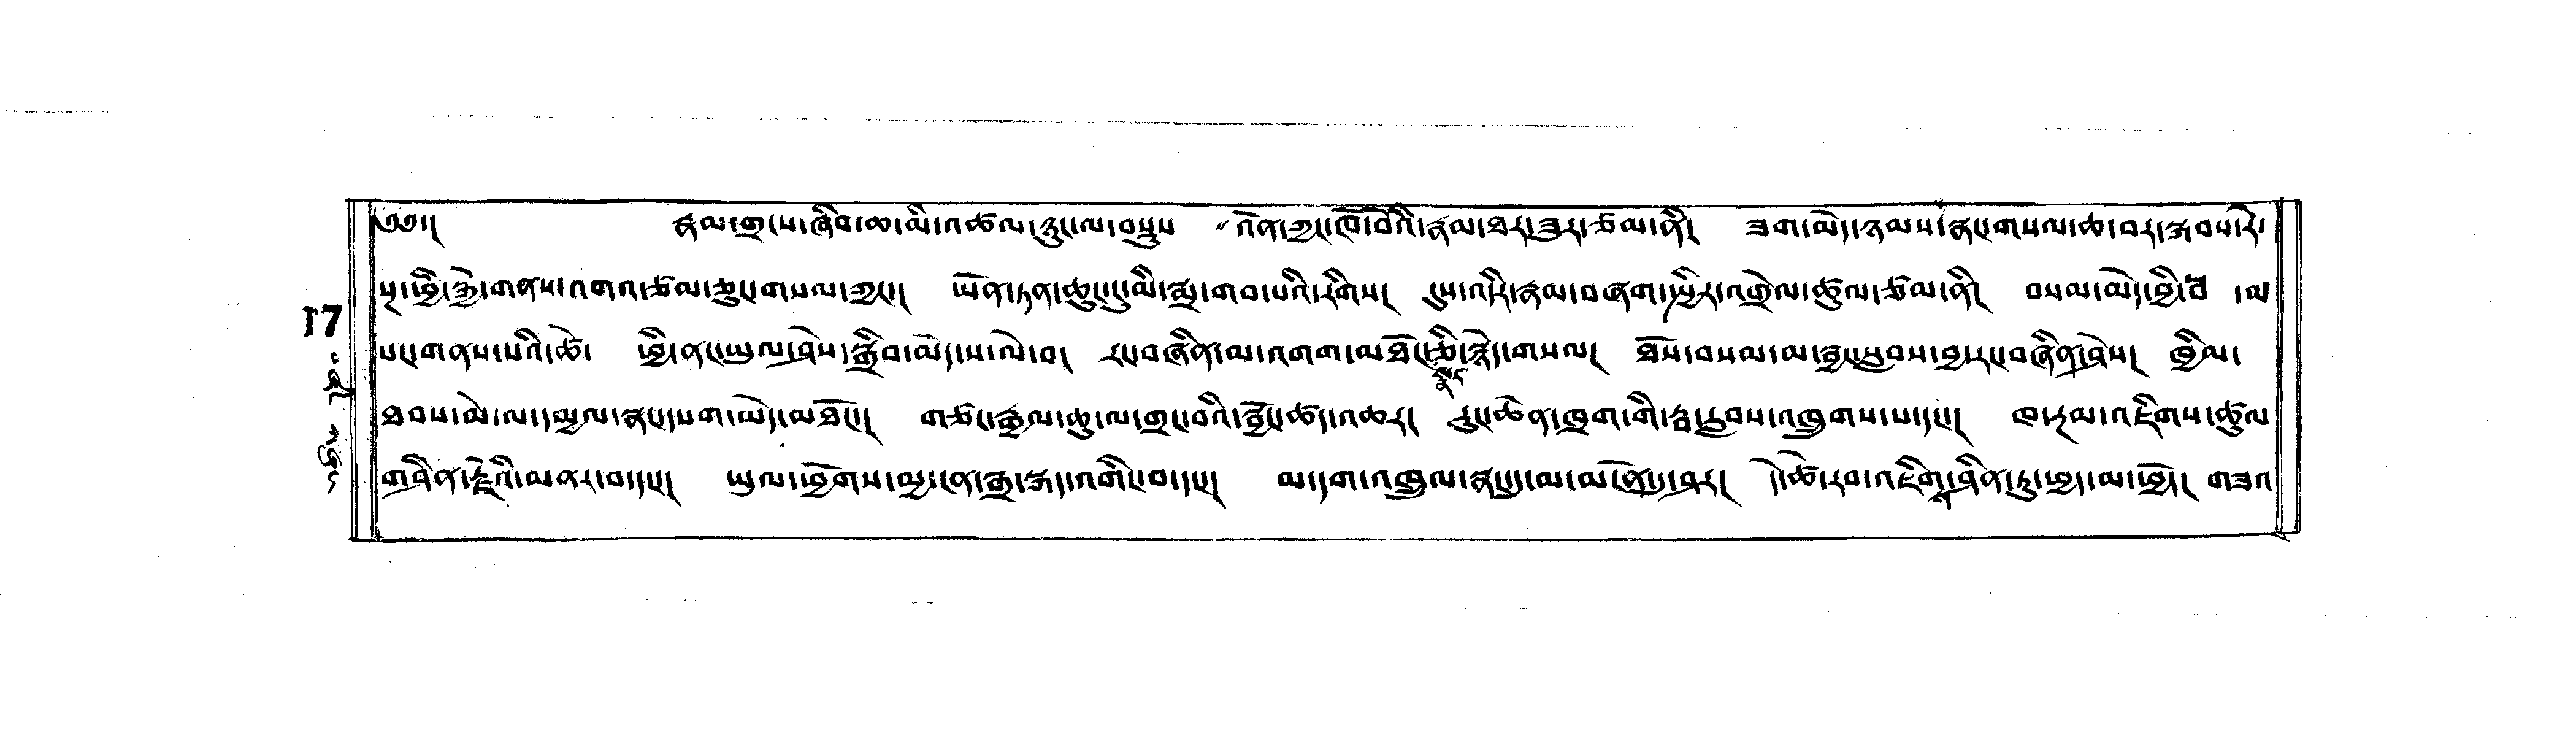རྣམ་གྲངས་ཞིབ་ཆ་མི་འཚལ་ཉུང་ལ་བསྡུས། ༧ འོན་ཀྱང་ཁོ་བོའི་རྣམ་ཐར་ཟུར་ཙམ་ནི། ཟག་མེད་ཉམས་སྣང་གསལ་ཆ་བར་སྐབས་རེ། 
སྔ་ཕྱི་སྐྱེ་གནས་འགའ་ཙམ་ཅུང་གསལ་ཀྱང་། ཡོན་ཏན་ཆུང་དུ་མི་སྨྲ་གབ་པའི་རིགས། དུས་འདིར་རྣམ་གཞག་སྤྱིར་འགྲེལ་ཚུལ་ཙམ་ནི། བསམ་མེད་བྱི་སྦ་མ་
པང་གནས་པའི་ཚེ། ཕྱི་ནང་ཡུལ་ཤེས་སྒྲིབ་མེད་ས་ལེ་བ། རང་བཞིན་མ་འགག་མཐོང་སྣང་ཅི་སྙེད་གསལ། ཐོས་བསམ་མ་སྦྱངས་བསླབ་བྱ་རང་བཞིན་ཤེས། ཁྱིམ་
ཐབ་མེ་ལ་དམྱལ་སྣང་དཔག་མེད་མཐོང་། གཙང་རྒྱལ་ཆུ་ལ་གྲང་བའི་སྦྱང་ཚད་འཆར། རུང་ཆེན་ཁྲག་གི་རྦ་རླབས་འཁྲུགས་པ་དང་། ཁ་རྔམ་འཇིགས་ཚུལ་
གཤིན་རྗེའི་མནར་བ་དང་། ཡུལ་ཕྱོགས་མྱ་ངན་སྒྲ་སྐད་འགེངས་པ་དང་། མ་དག་འཁྲུལ་སྣང་དུ་མ་མངོན་དུ་ཤར། དེ་ཚེ་རབ་འཇིགས་ཤིན་ཏུ་ཕྱད་མ་ཕྱོད། གཟའ་